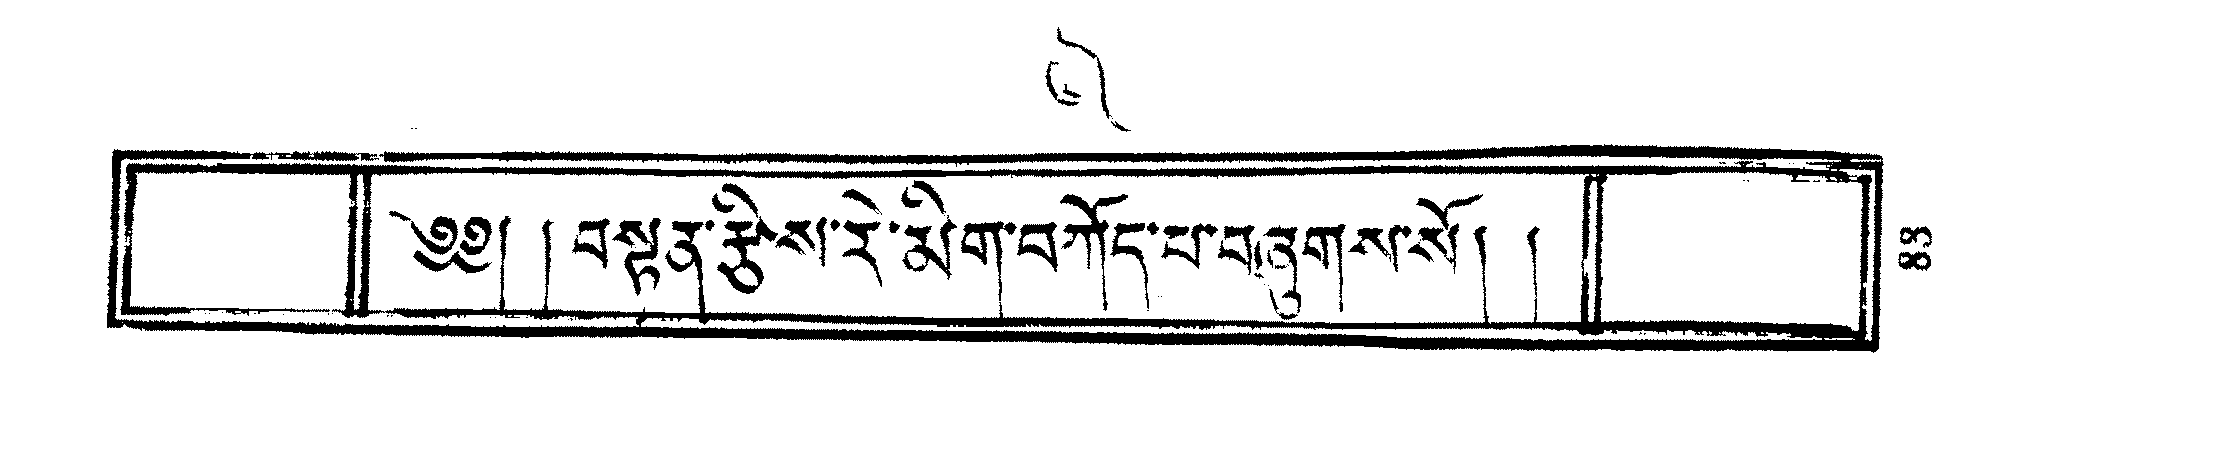༄༅། །བསྟན་རྩིས་རེ་མིག་བཀོད་པ་བཞུགས་སོ། །